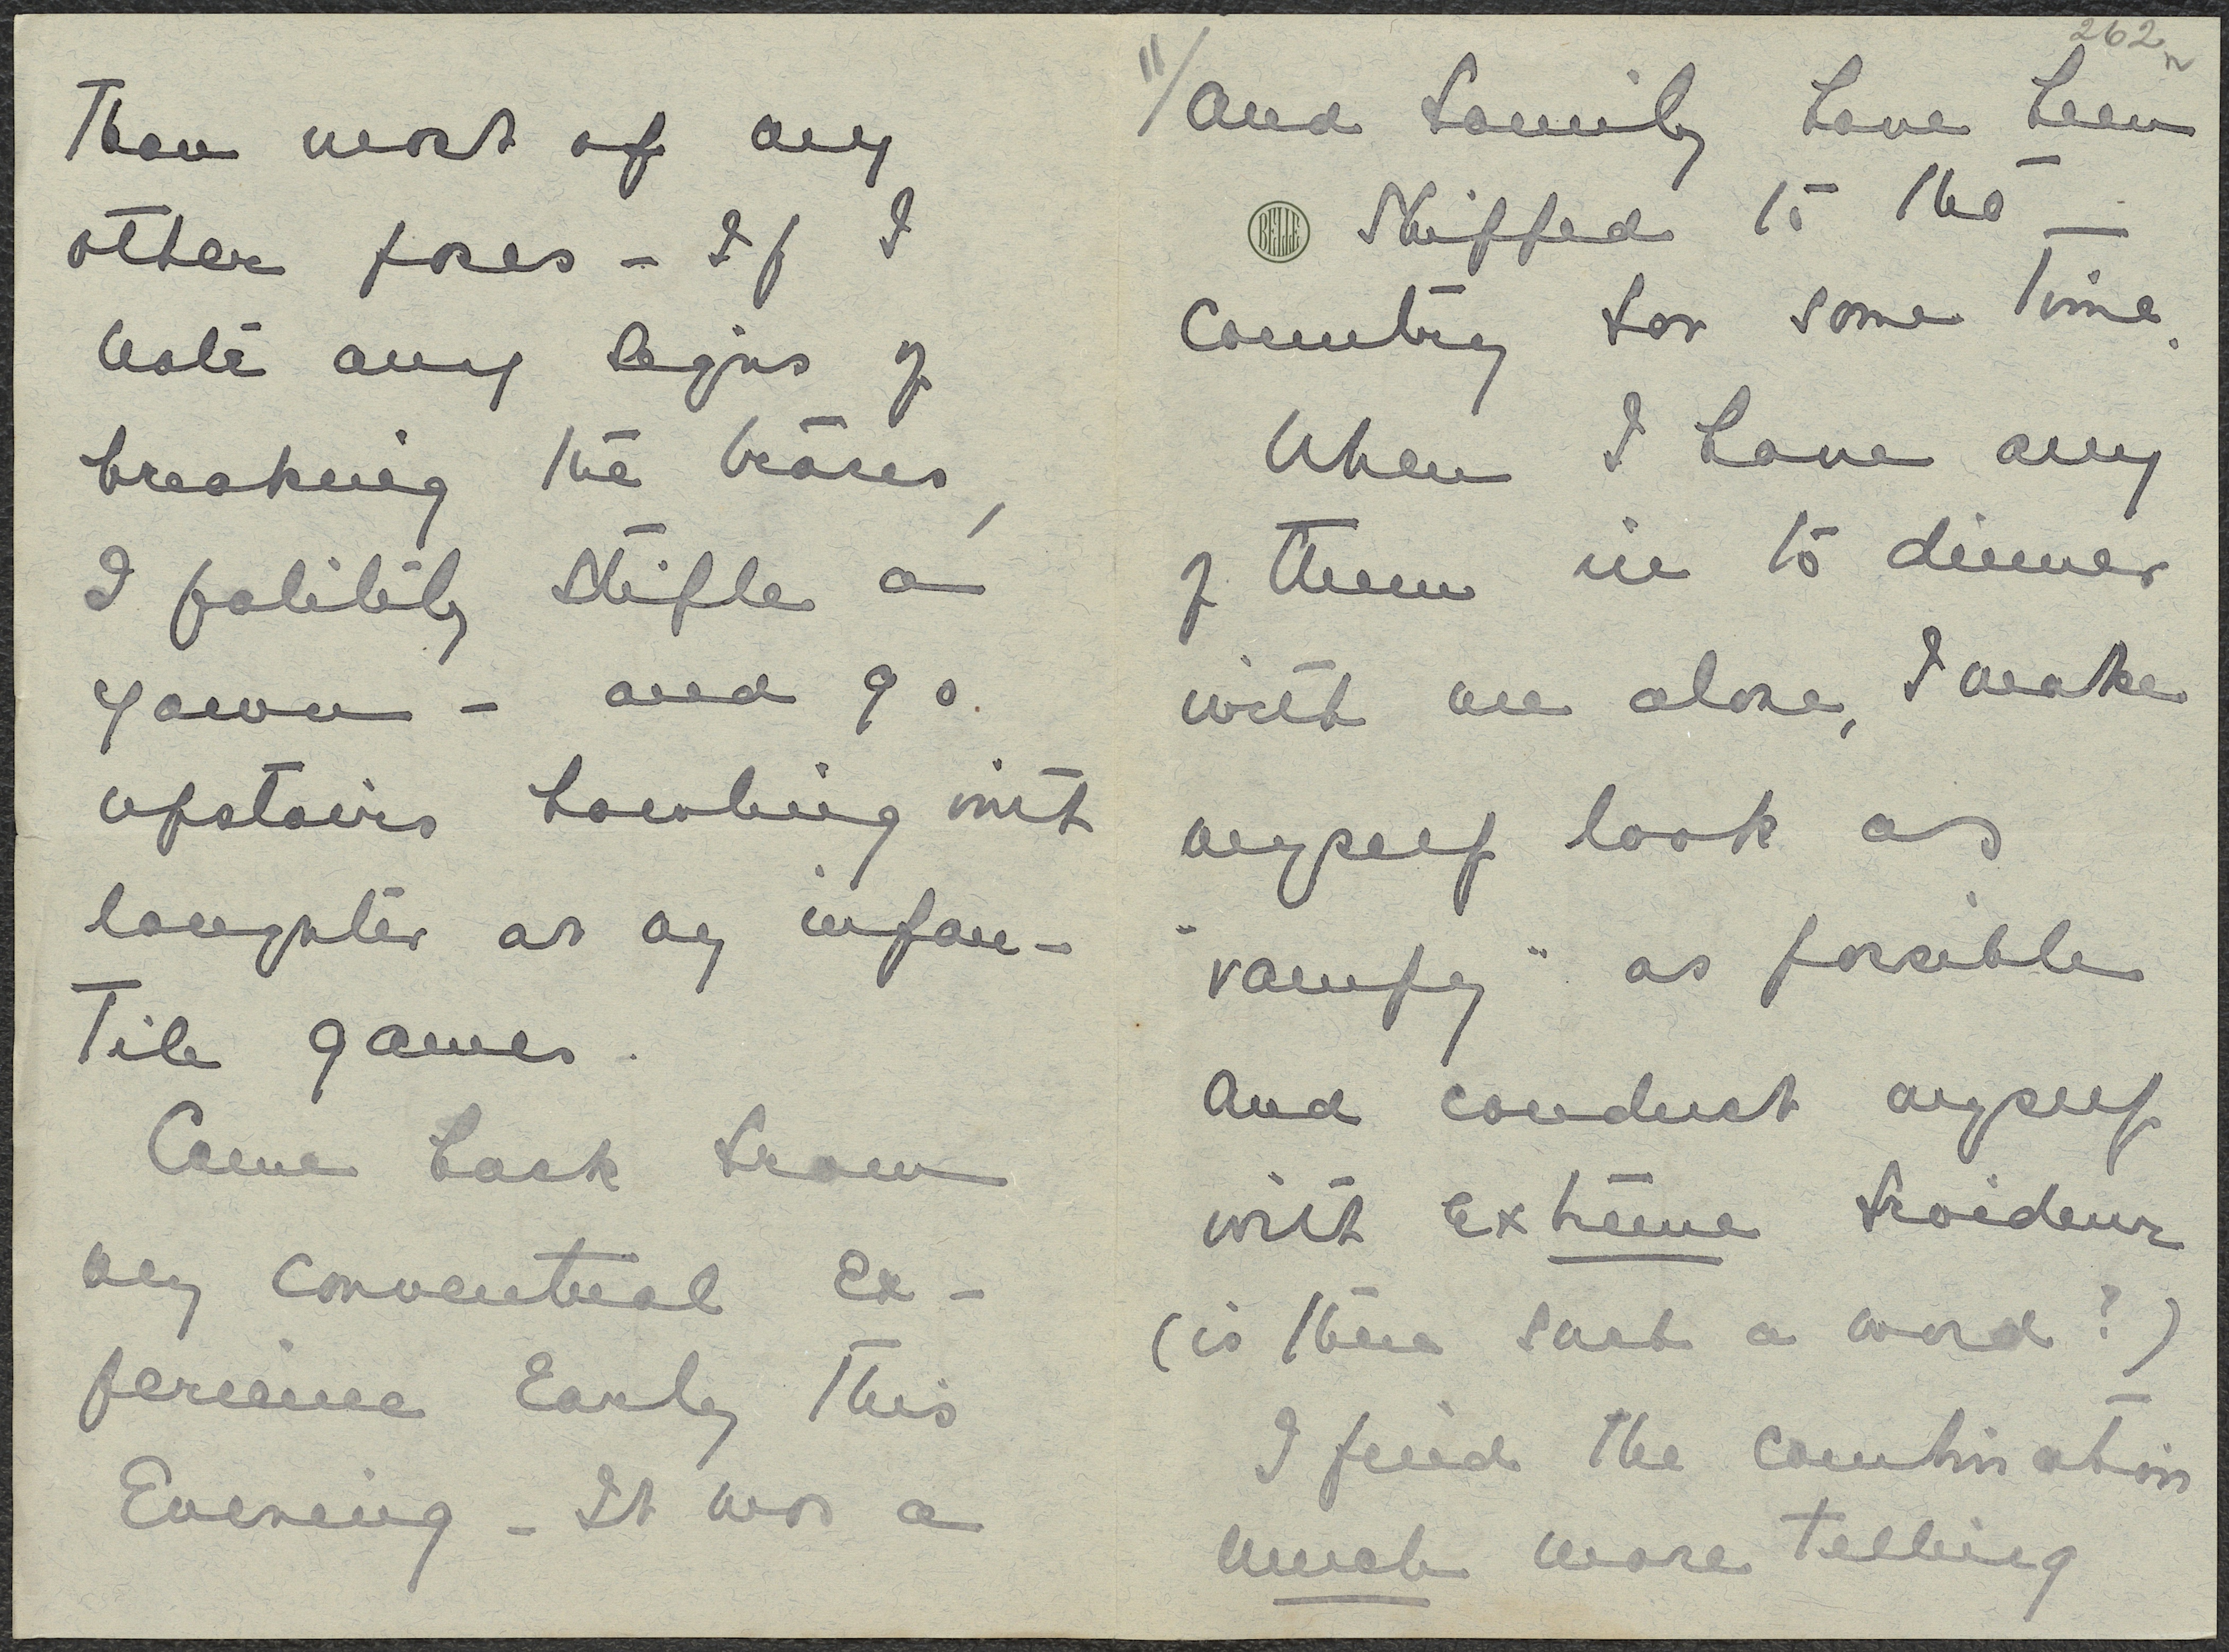11/
and family have been shipped to the country for some time.
When I have any of them in to dinner with me alone, I make myself look as “vampy” as possible and conduct myself with extreme froideur (is there such a word?) I find the combination much more telling
than most of my other poses – If I note any signs of breaking the traces, I politely stifle a yawn – and go upstairs howling with laughter at my infantile games—
Came back from my conventional experience early this evening – It was a